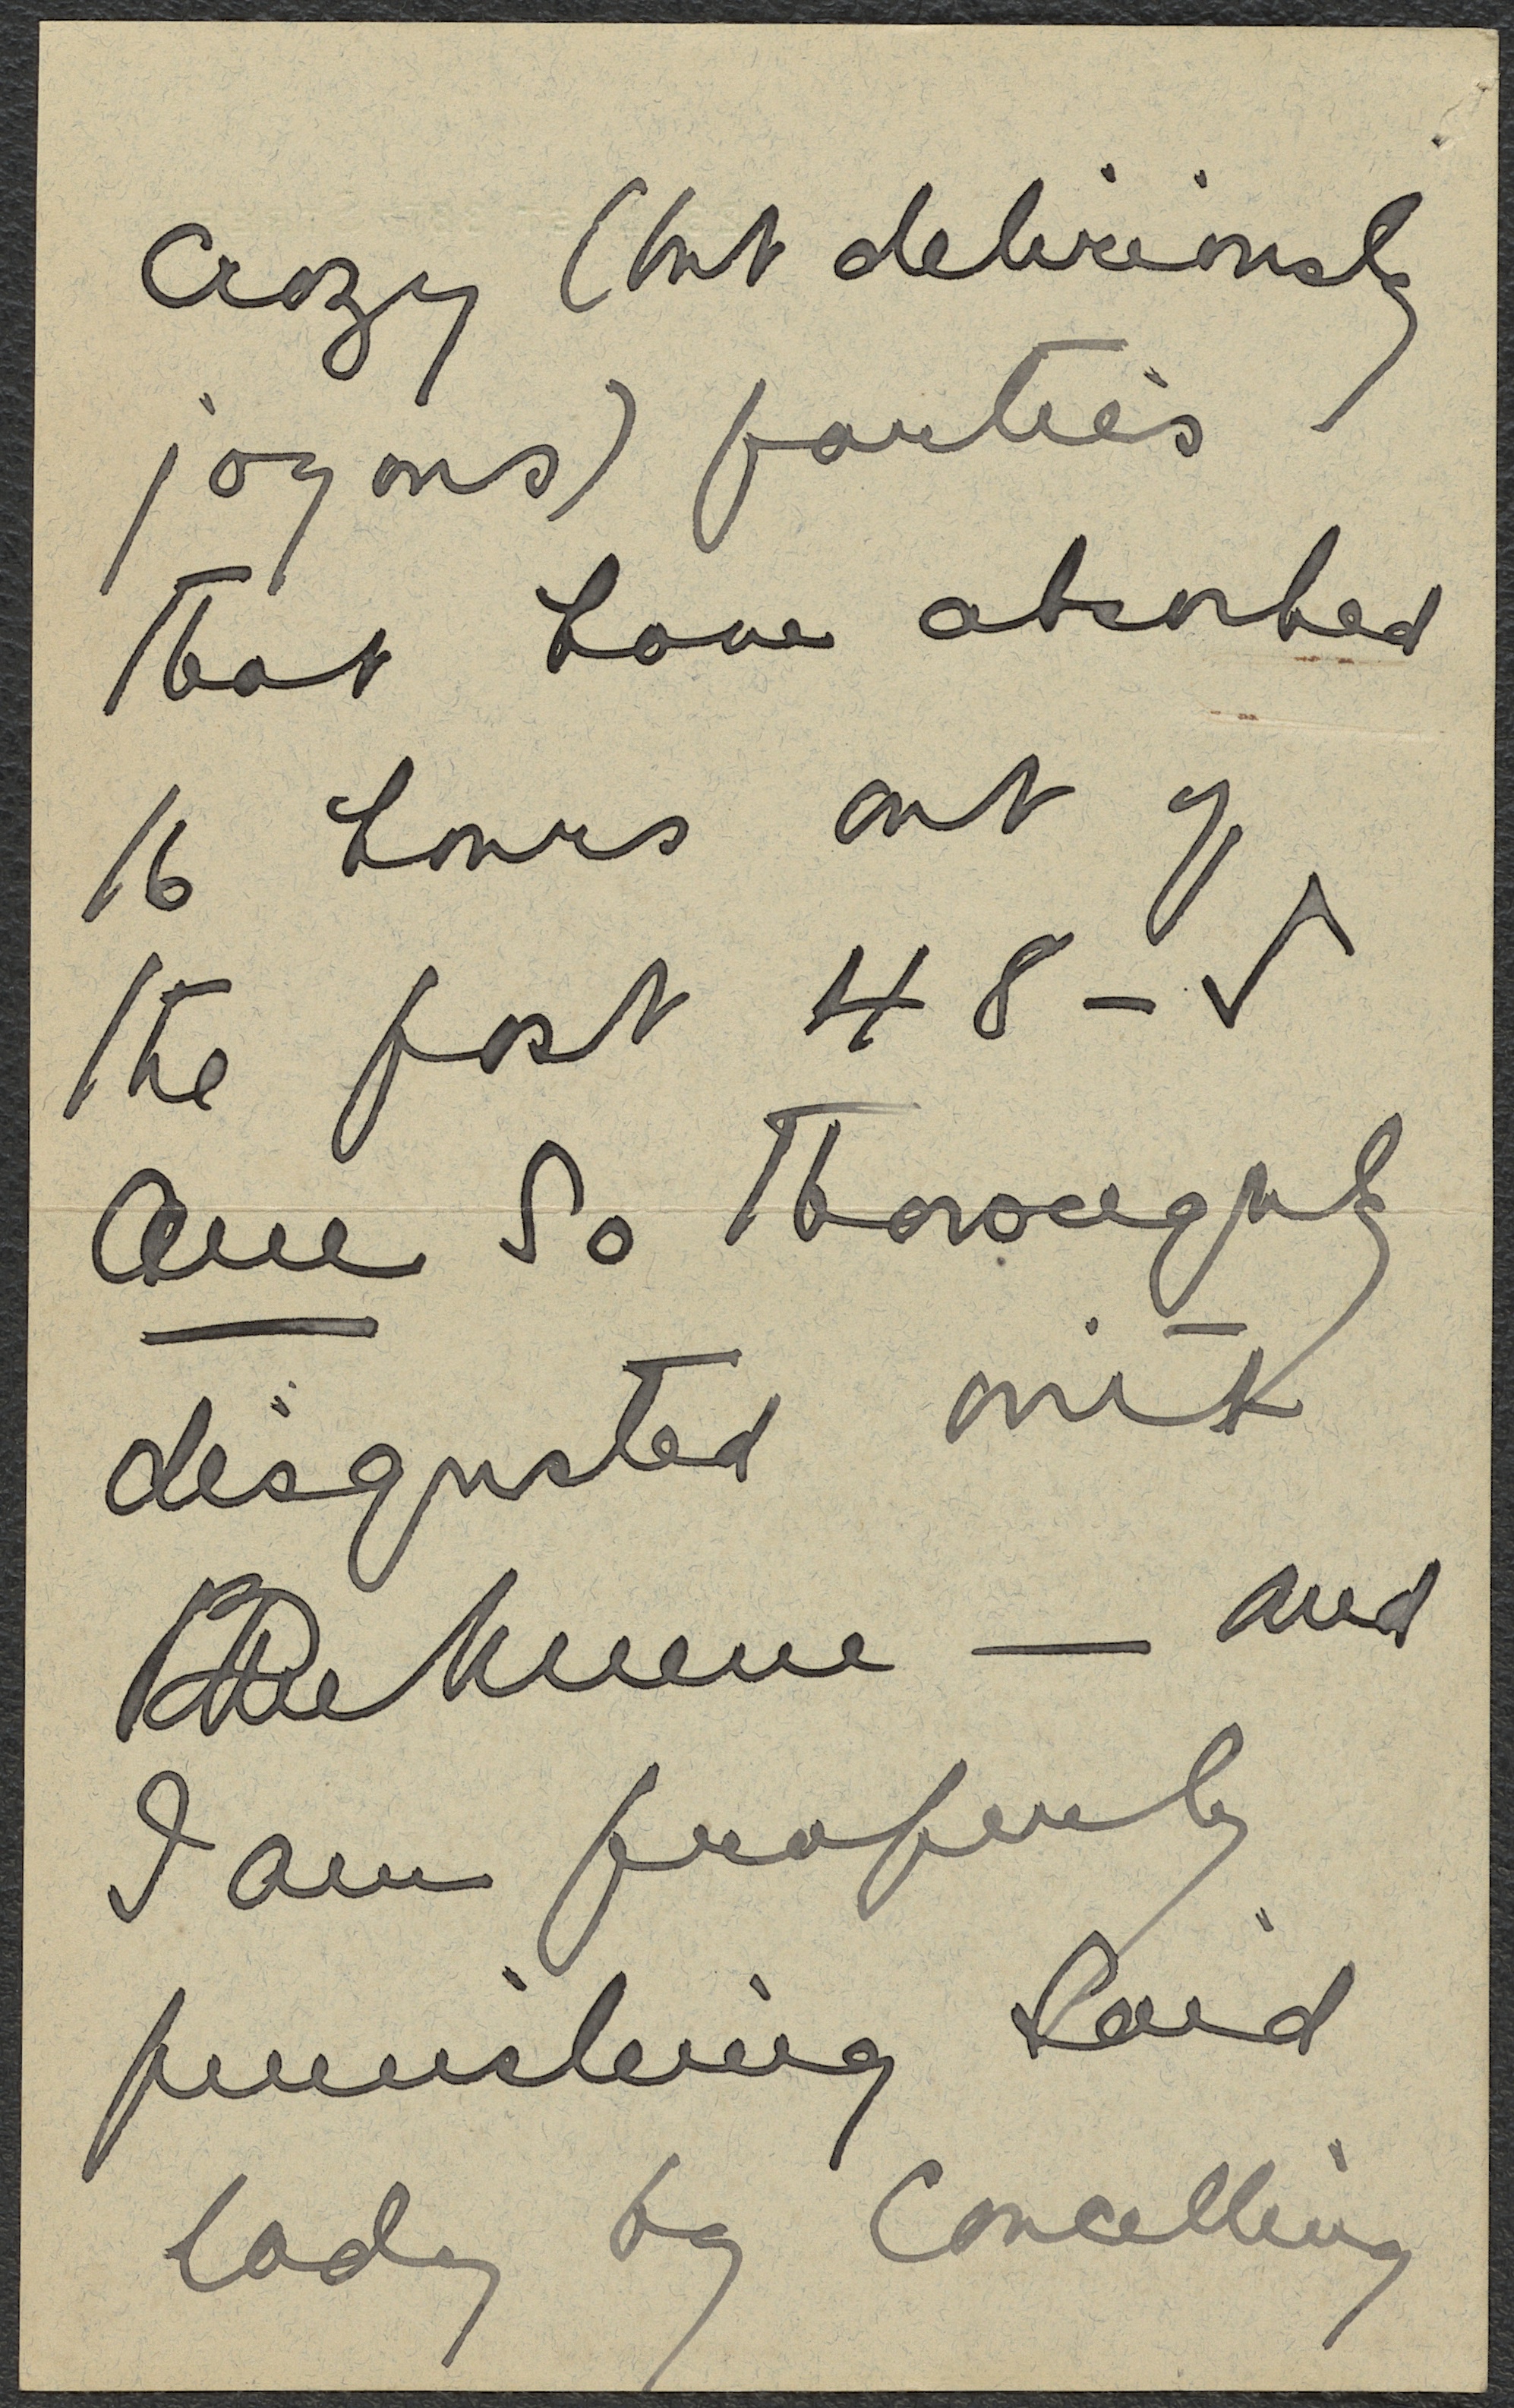crazy (but deliriously joyous) parties that have absorbed 16 hours out of the past 48 – I am so thoroughly disgusted with Belle Greene – and I am properly punishing said lady by cancelling